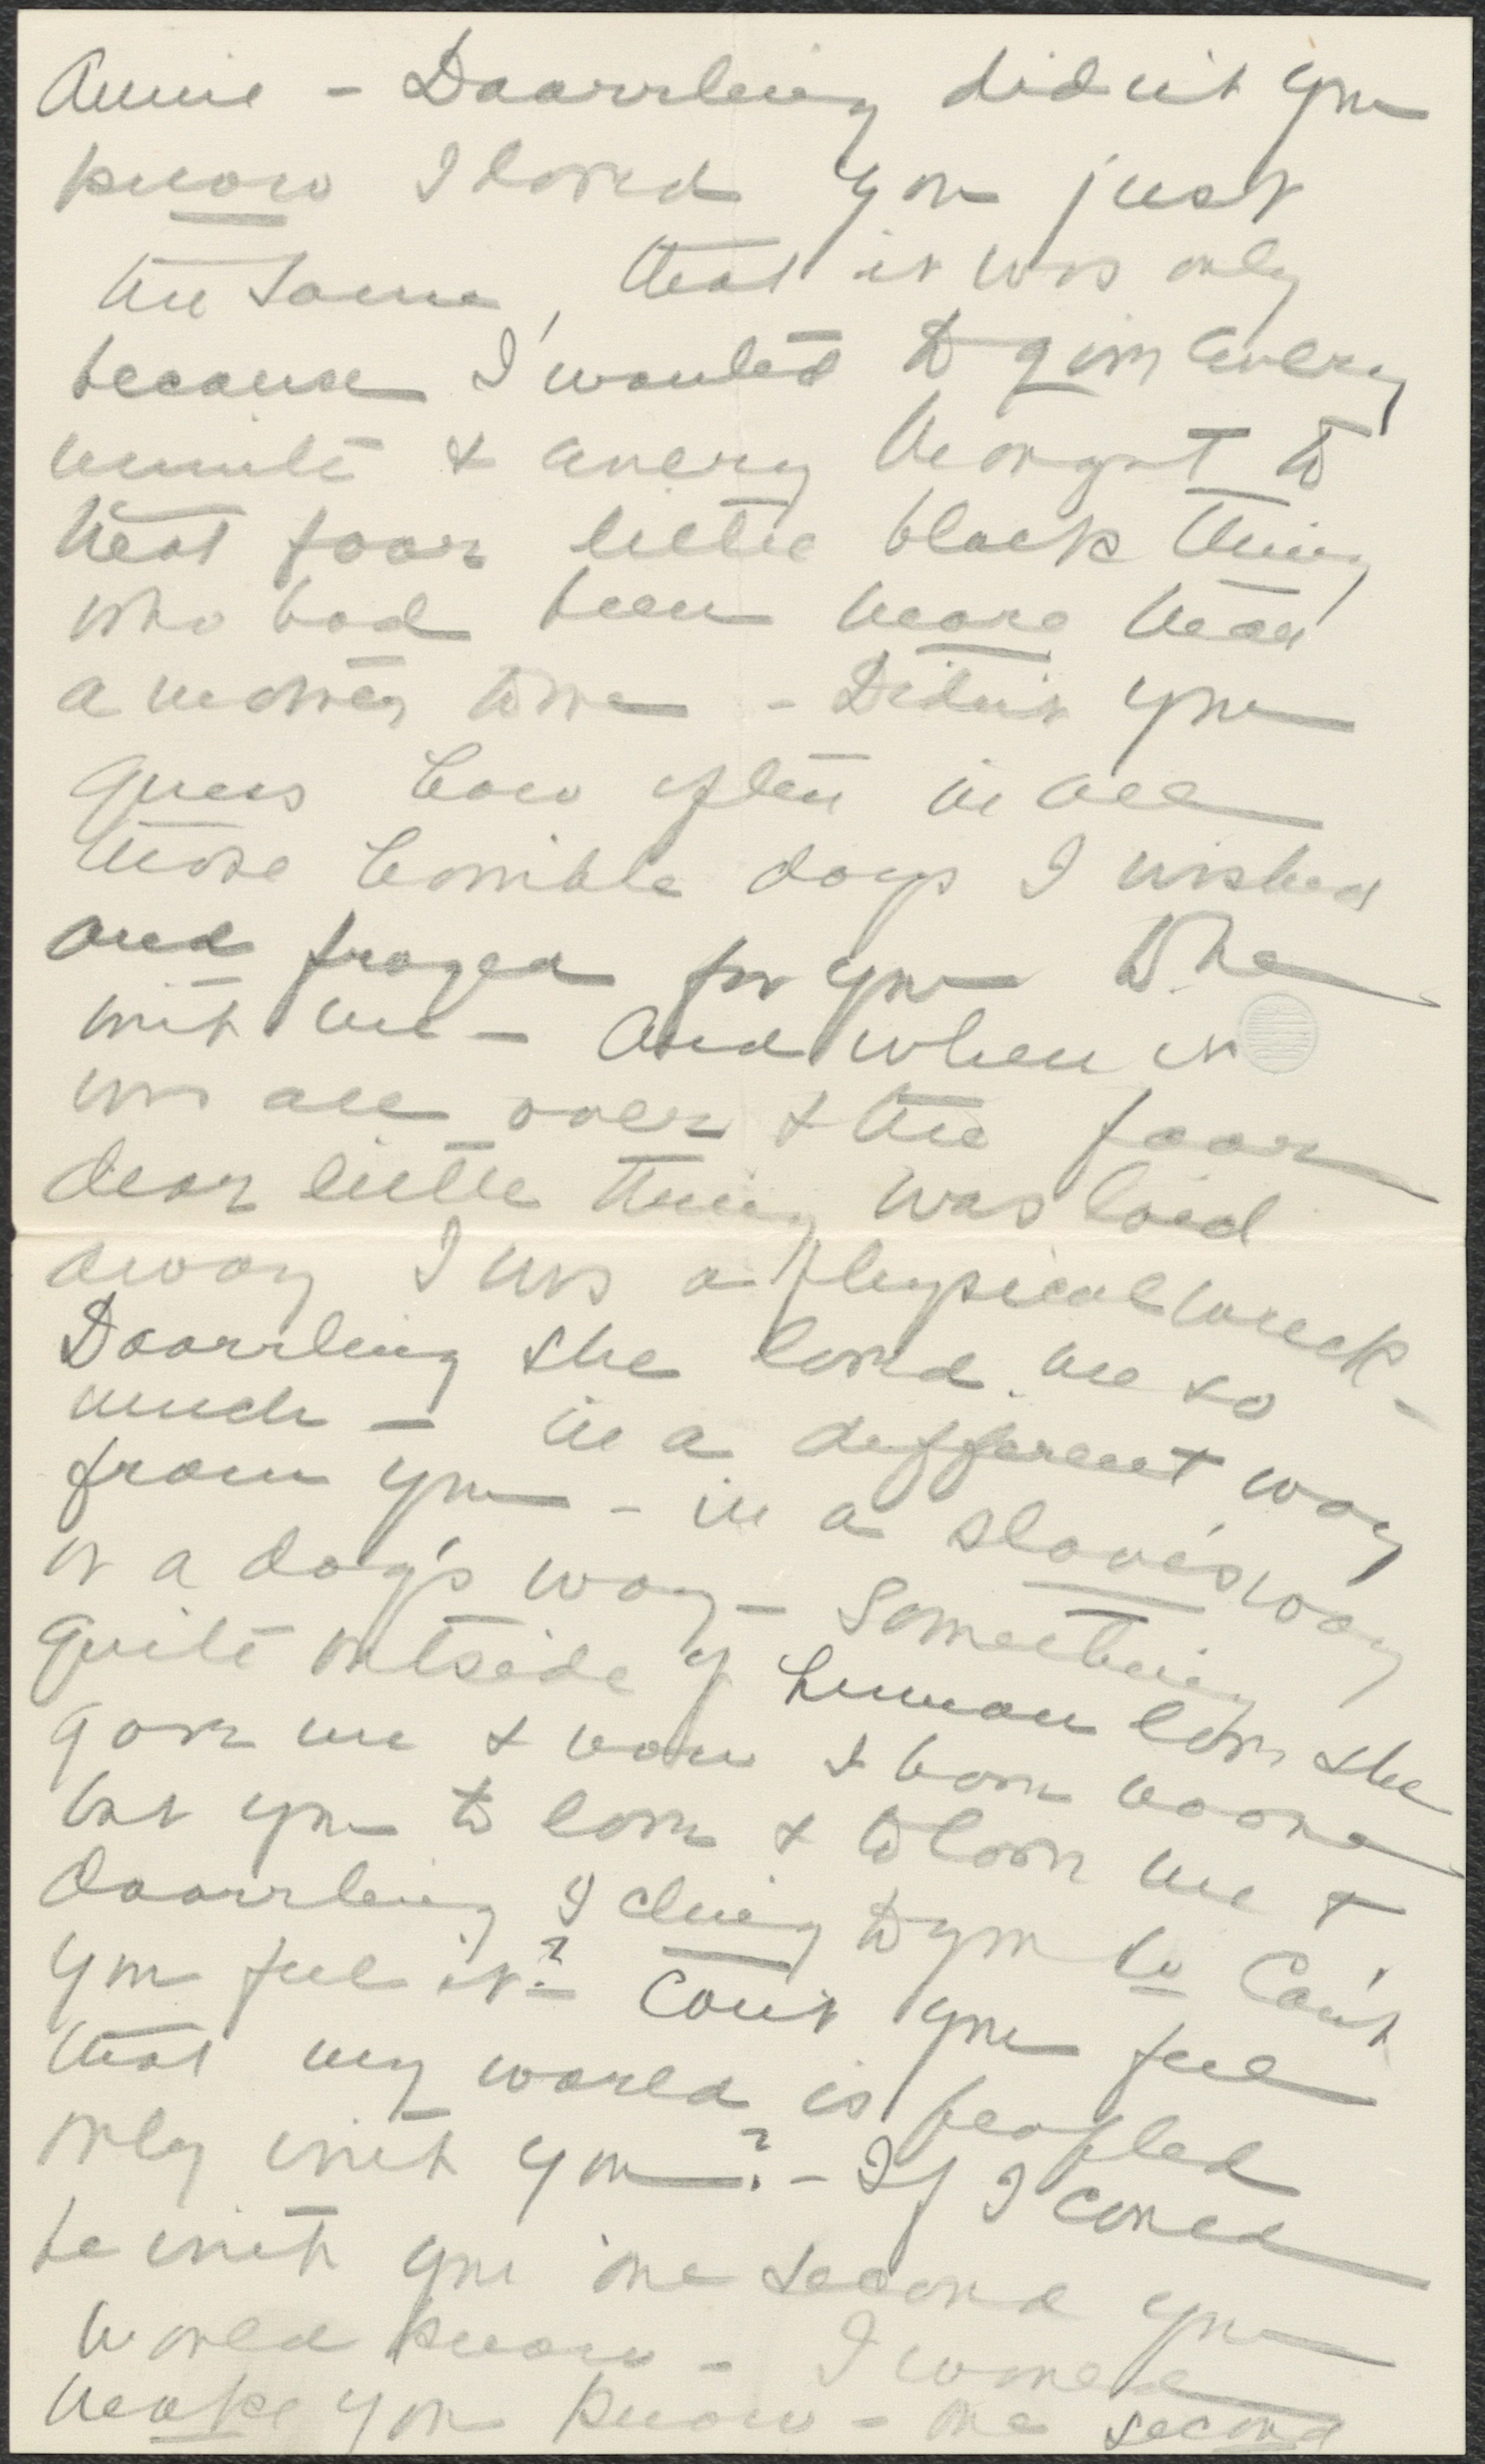Annie – Daarrling didn’t you know I loved you just the same, that it was only because I wanted to give every minute & every thought to that poor little black thing who had been more than a mother to me – Didn’t you guess how often in all those horrible days I wished and prayed for you to be with me – And when it was all over & the poor dear little thing was laid away I was a physical wreck – Daarrling she loved me so much – in a different way from you – in a slave’s way or a dog’s way – something quite outside of human love she gave me & now I have no-one but you to love & to love me & daarrling I cling to you so can’t you feel it? – can’t you feel that my world is peopled only with you? – If I could be with you one second you would know – I would make you know – one second